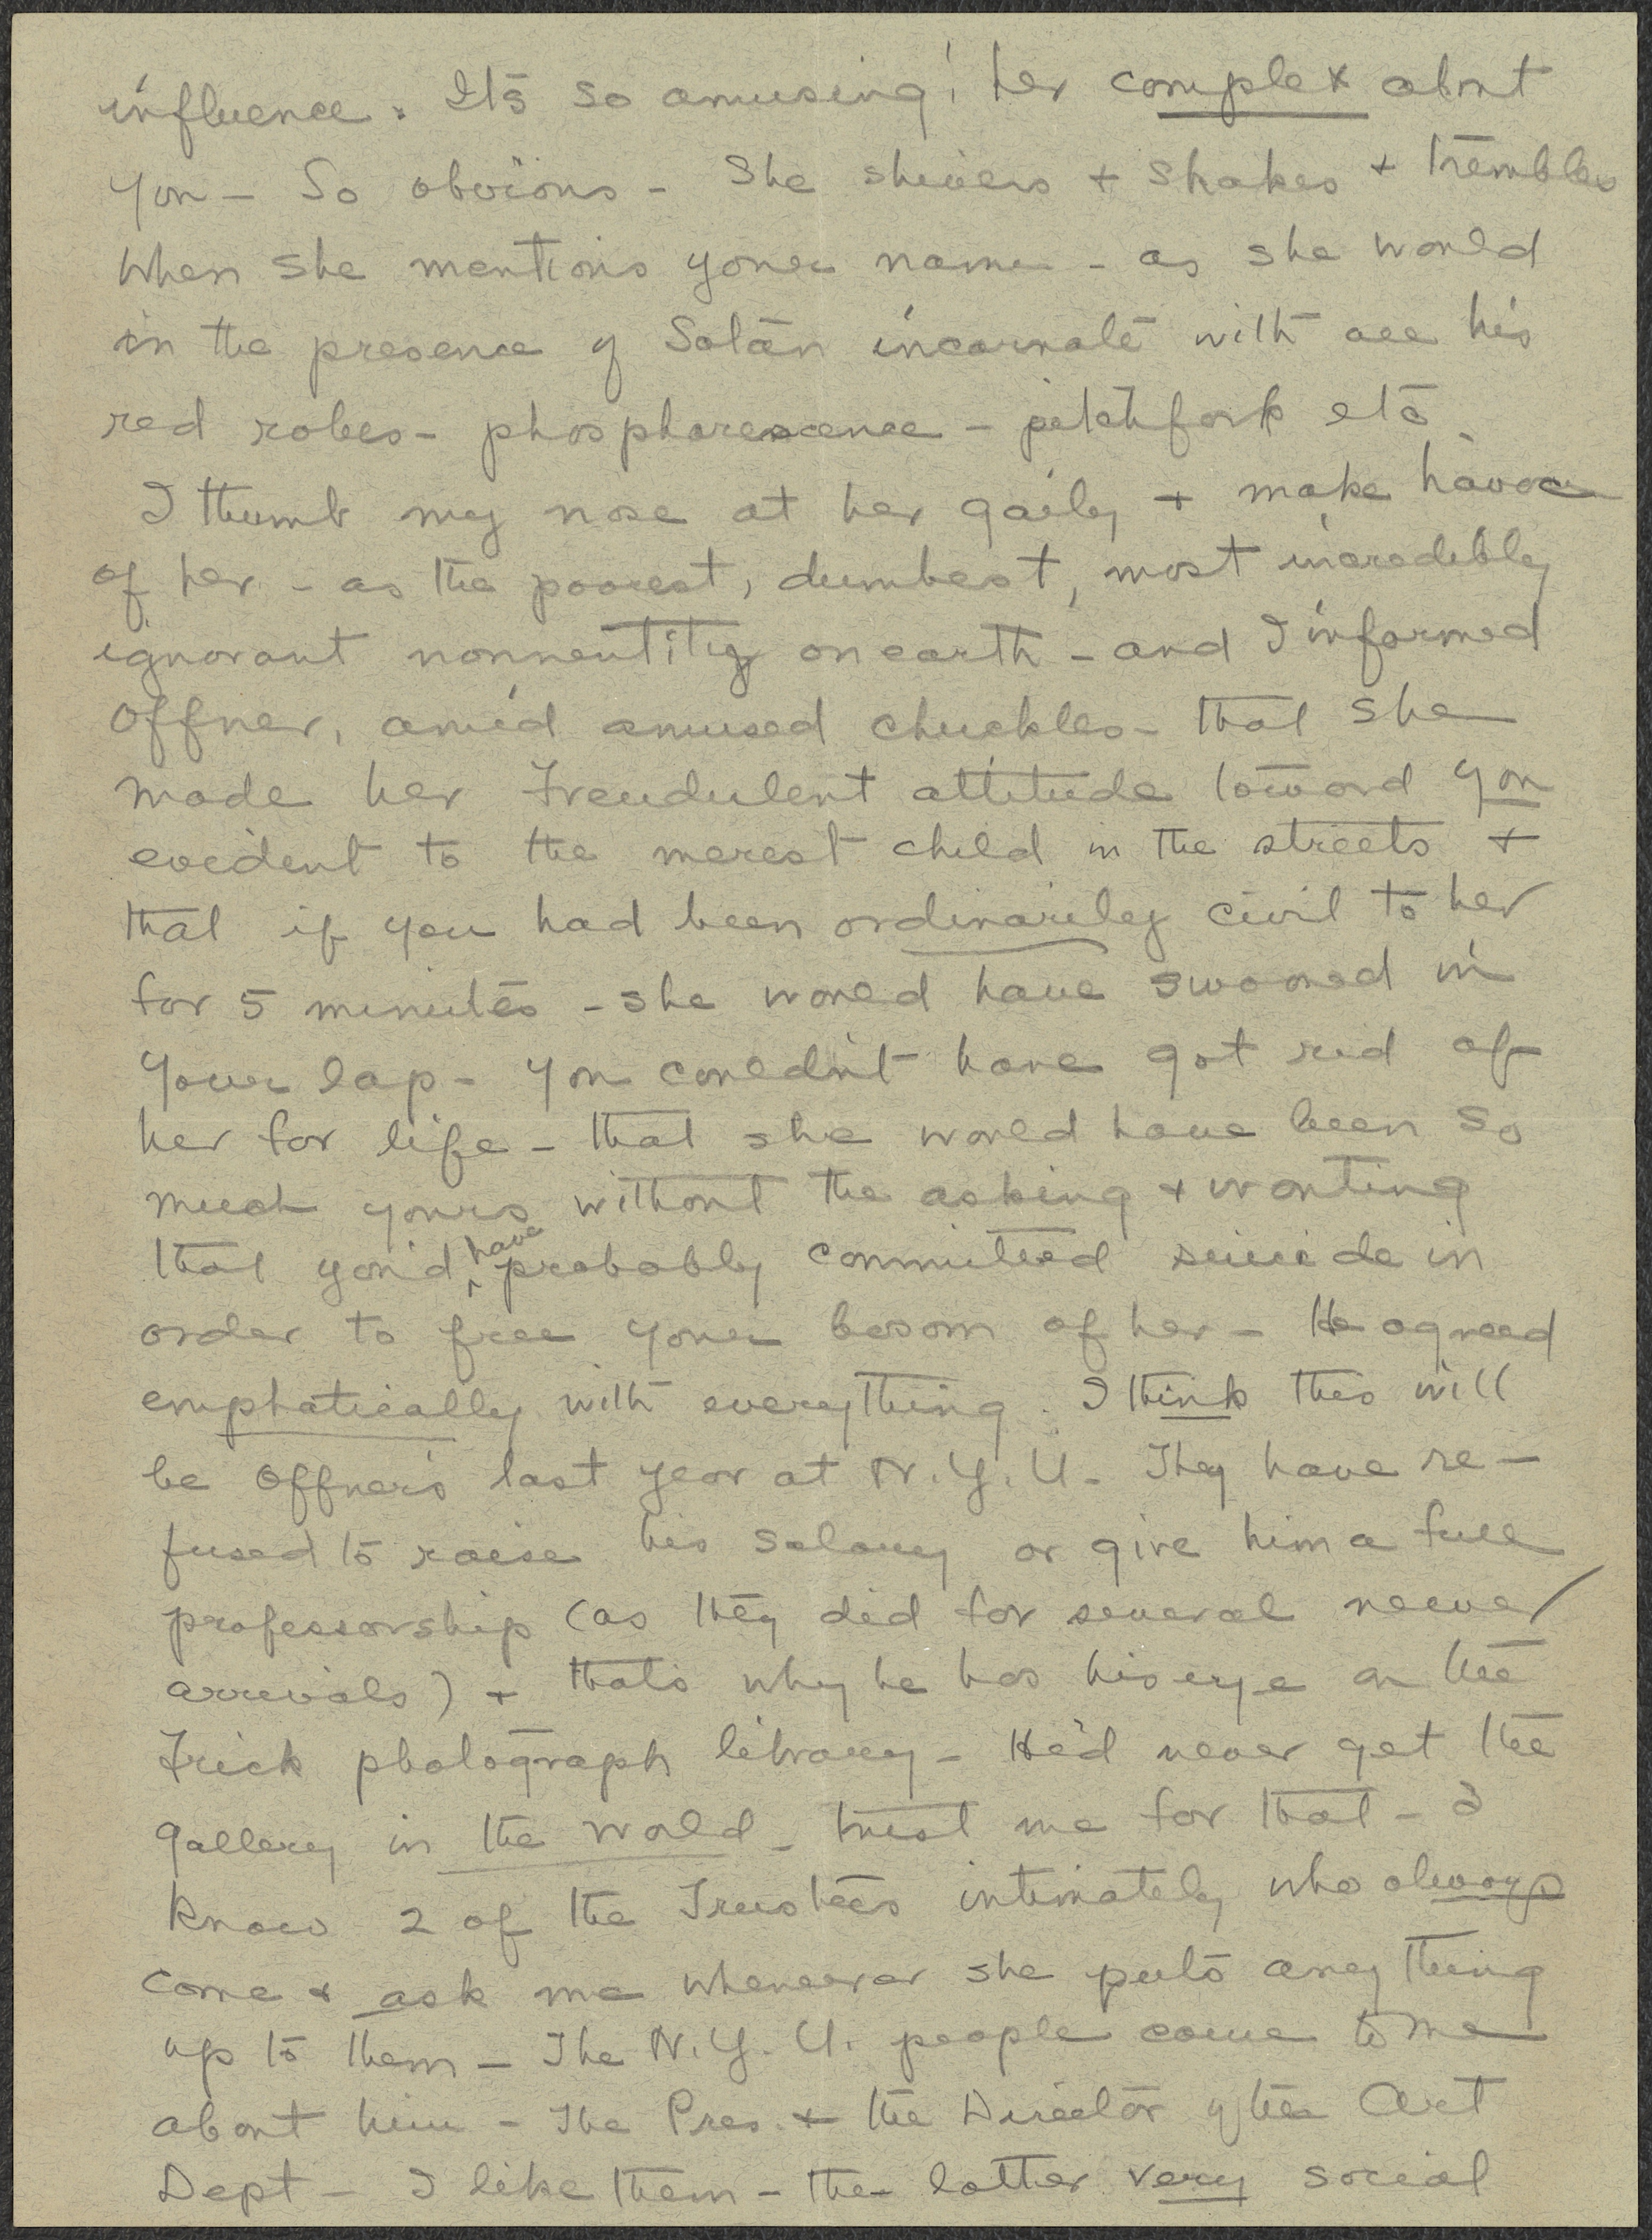influence. It’s so amusing! her complex about you – So obvious – She shivers & shakes & trembles When she mentions your name – as she would in the presence of Satan incarnate with all his red robes – phosphorescence – pitchfork etc.
I thumb my nose at her gaily & make havoc of her – as the poorest, dumbest, most incredibly ignorant nonnentity on earth – and I informed Offner, amid amused chuckles – that she made her Freudulent [sic] attitude toward you evident to the merest child in the streets & that if you had been ordinarily civil to her for 5 minutes – she would have swooned in your lap – You couldn't have got rid of her for life – that she would have been so much yours without the asking & wanting that you’d [^have^] probably committed suicide in order to free your bosom of her – He agreed emphatically with everything. I think this will be Offner’s last year at N.Y.U – They have refused to raise his salary or give him a full professorship (as they did for several newer arrivals) & that’s why he has his eye on the Frick photograph library – He’d never get the Gallery in the world – trust me for that – I know 2 of the Trustees intimately who always come & ask me whenever she puts anything up to them –The N.Y.U people came to me about him – The Pres. & the Director of the Art Dept – I like them – the latter very social